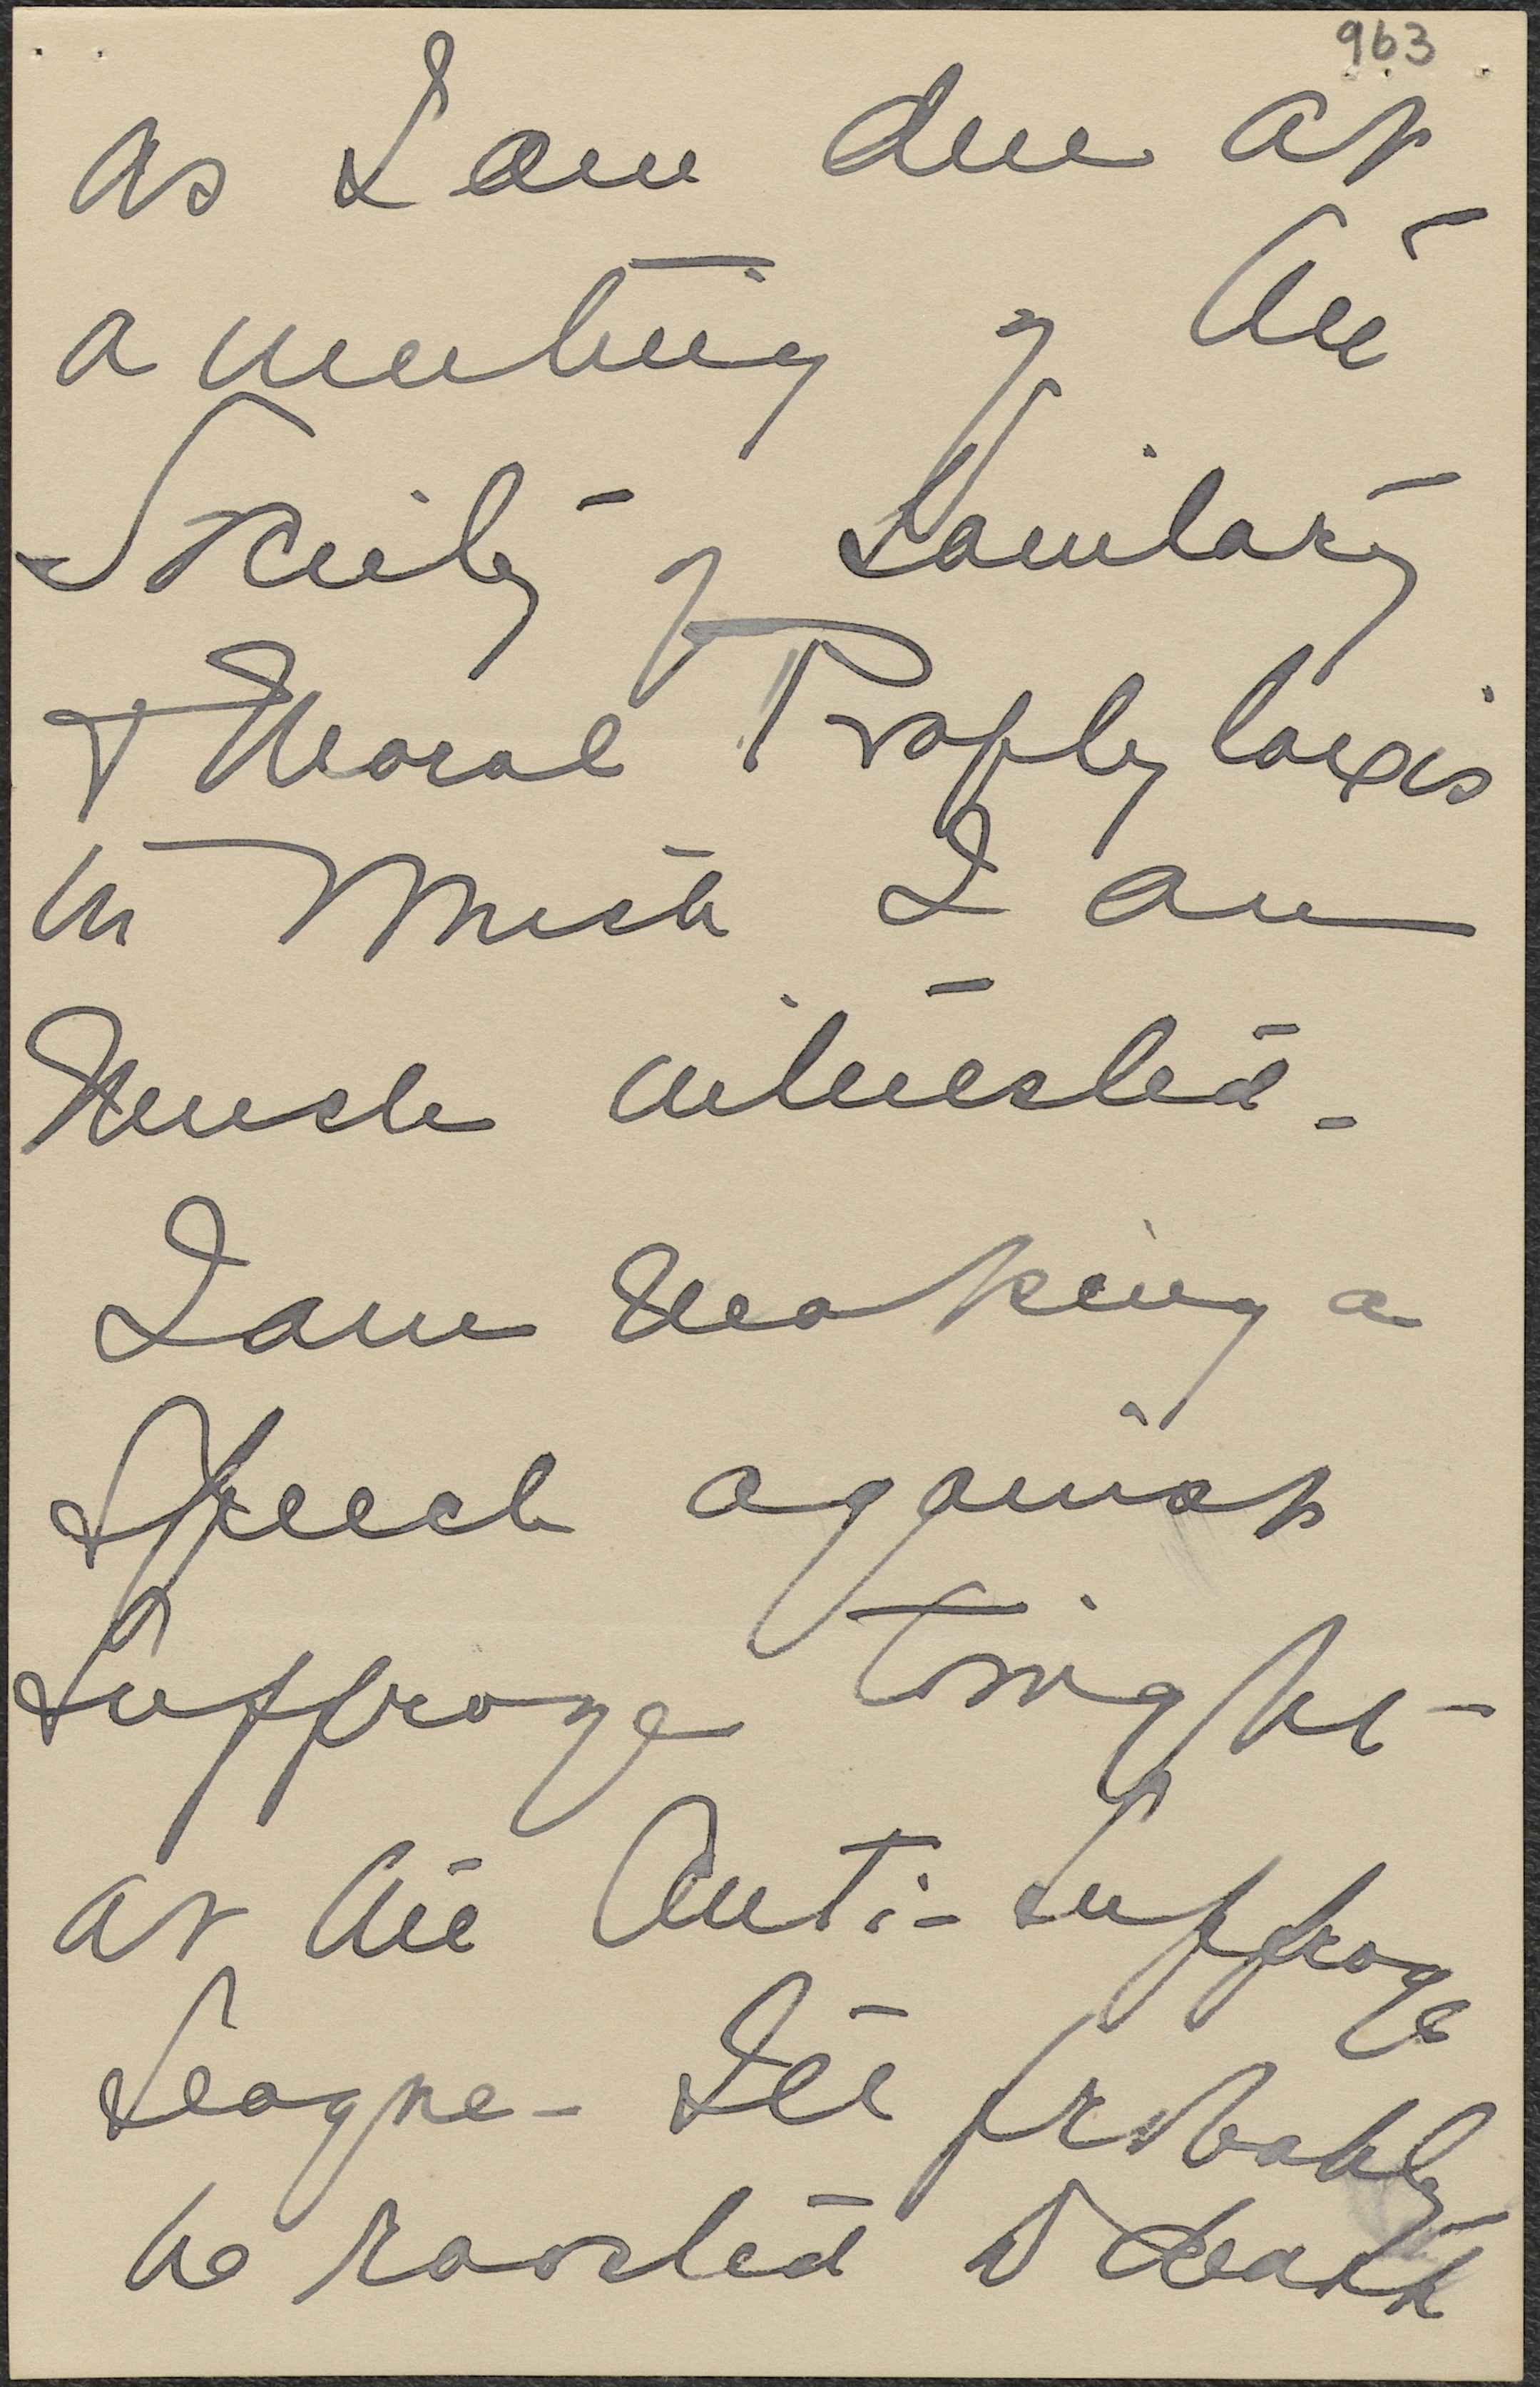as I am due at a meeting of the Society of Sanitary & Moral Prophylaxis in which I am much interested –
I am making a speech against suffrage tonight at the Anti-Suffrage League – I’ll probably be roasted to death